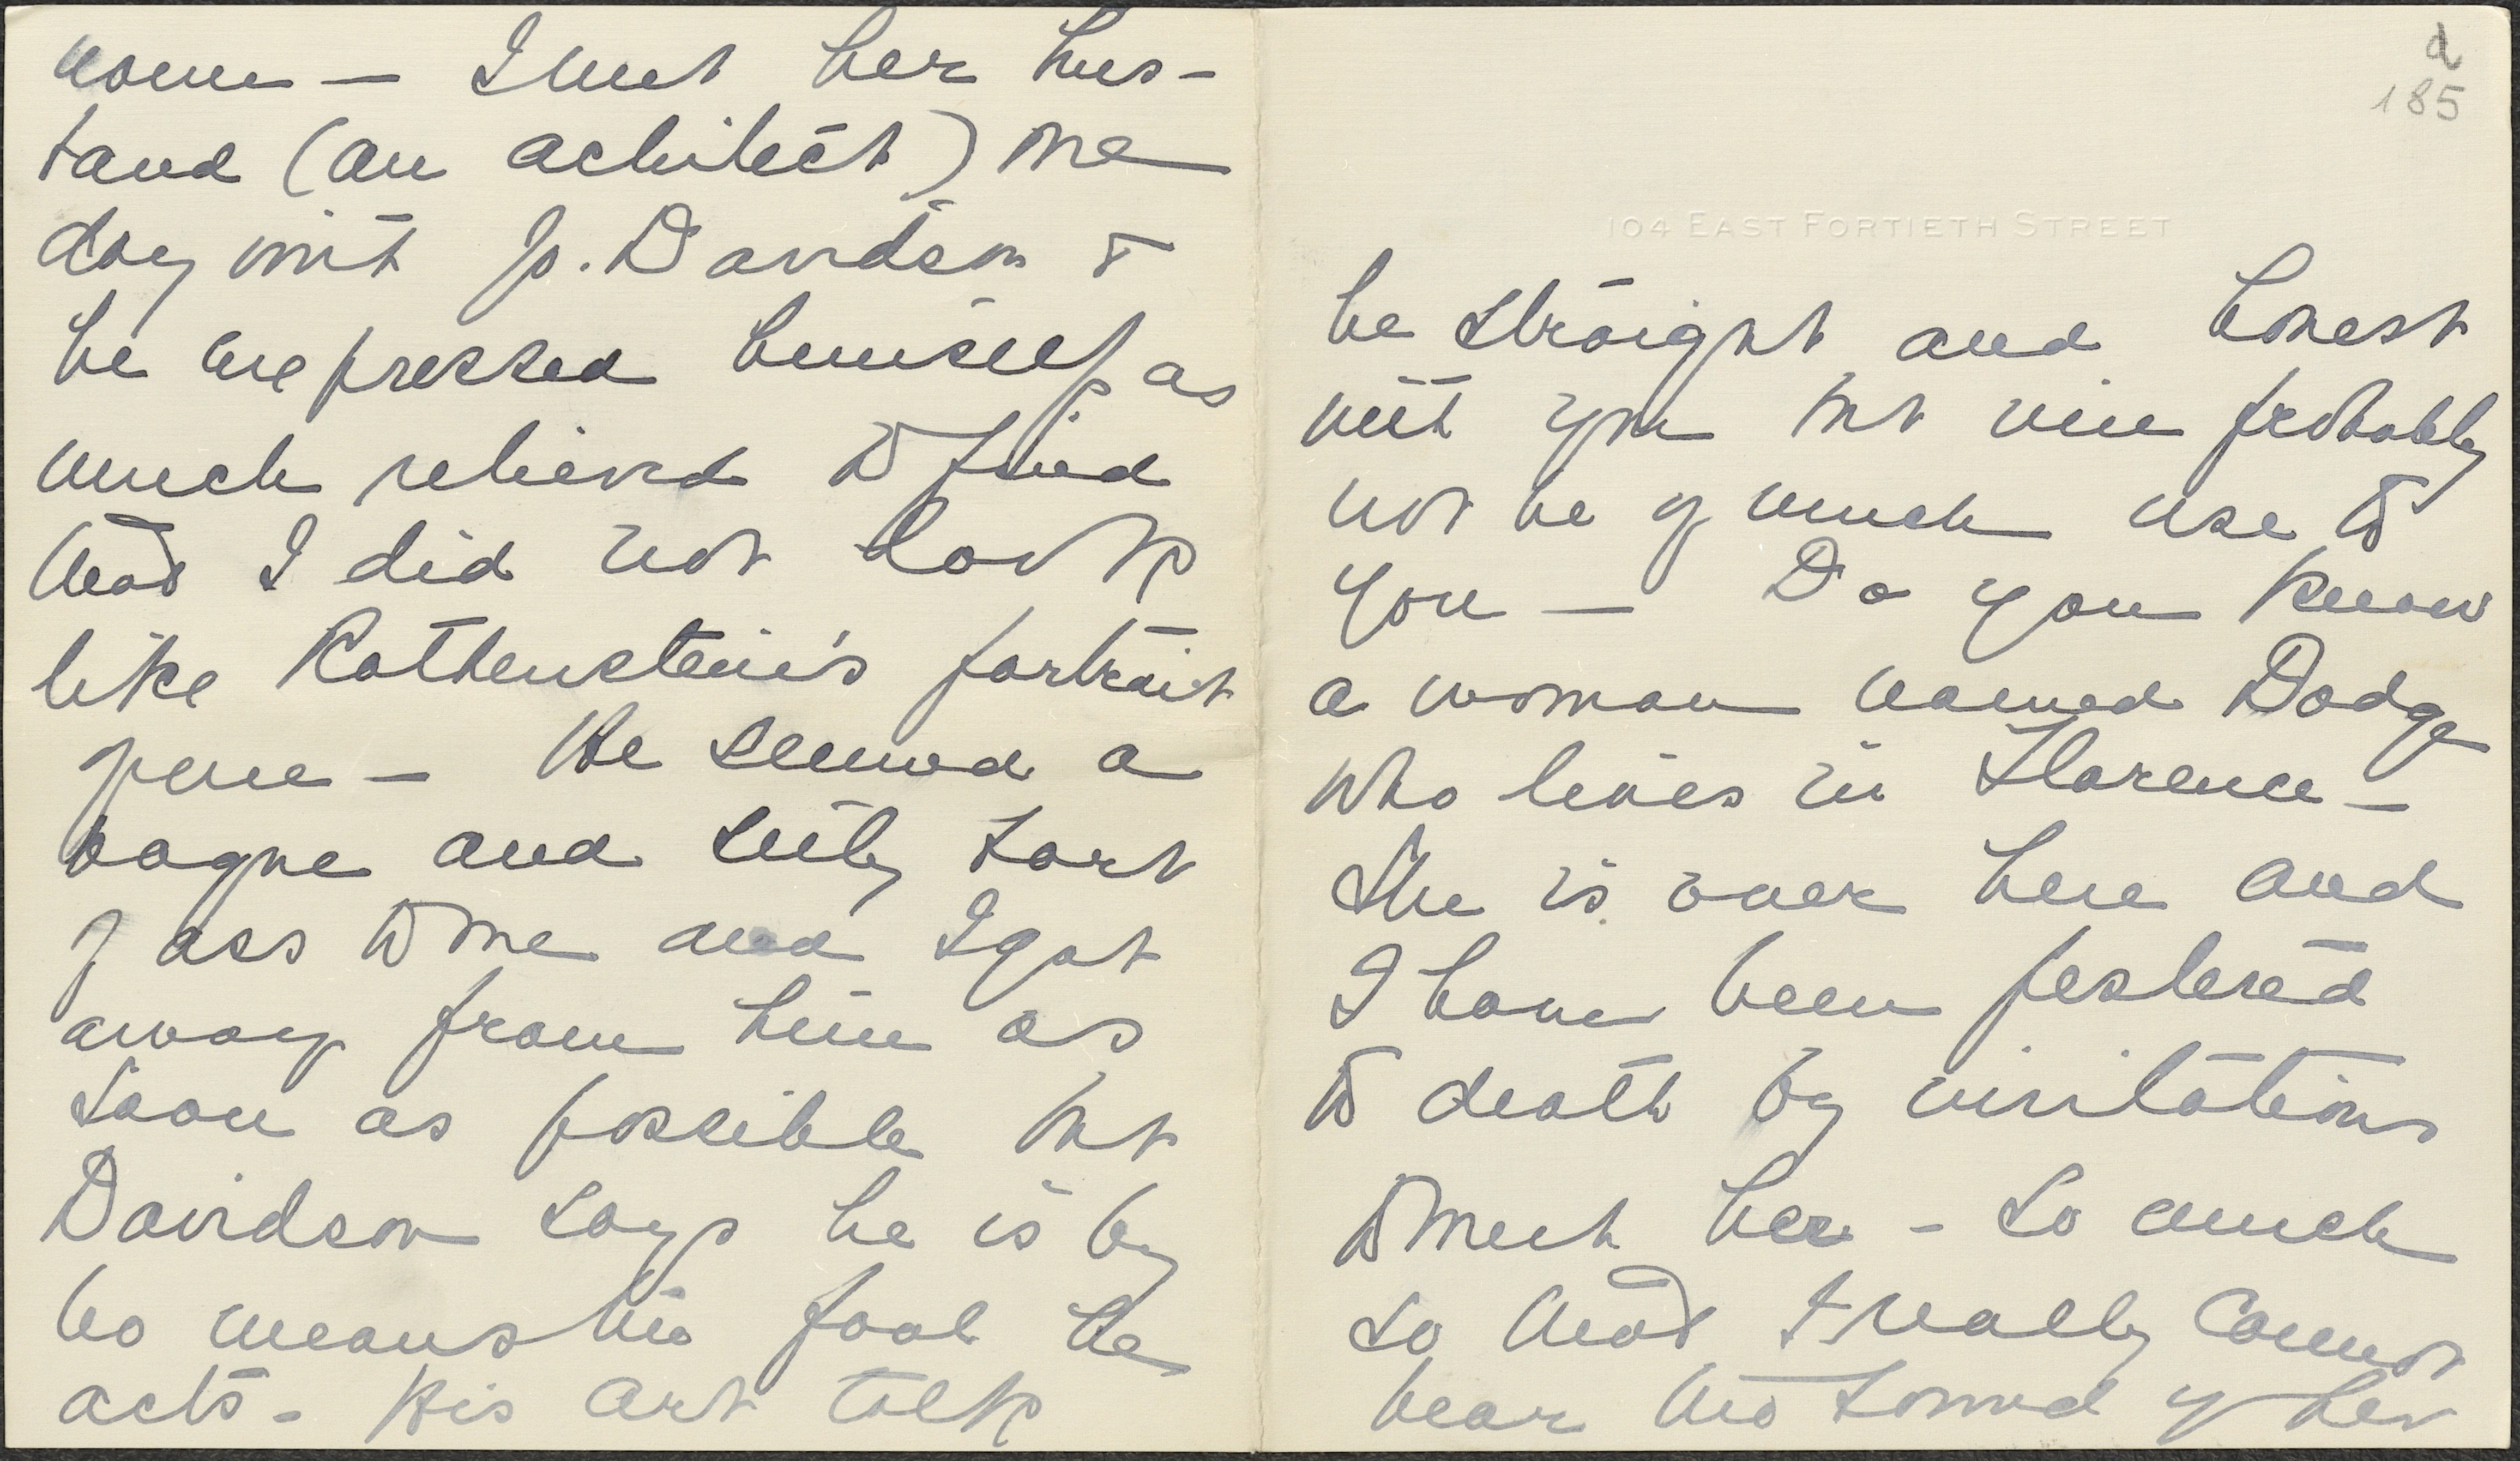be straight and honest with you but will probably not be of much use to you – Do you know a woman named Dodge who lives in Florence – She is over here and I have been pestered to death by invitations to meet her – So much so that I really cannot bear the sound of her
name – I met her husband (an architect) one day with Jo. Davidson & he expressed himself as much relieved to find that I did not look like Rothenstein’s portrait of me – He seemed a vague and silly sort of ass to me and I got away from him as soon as possible but Davidson says he is by no means the fool he acts – His art talk